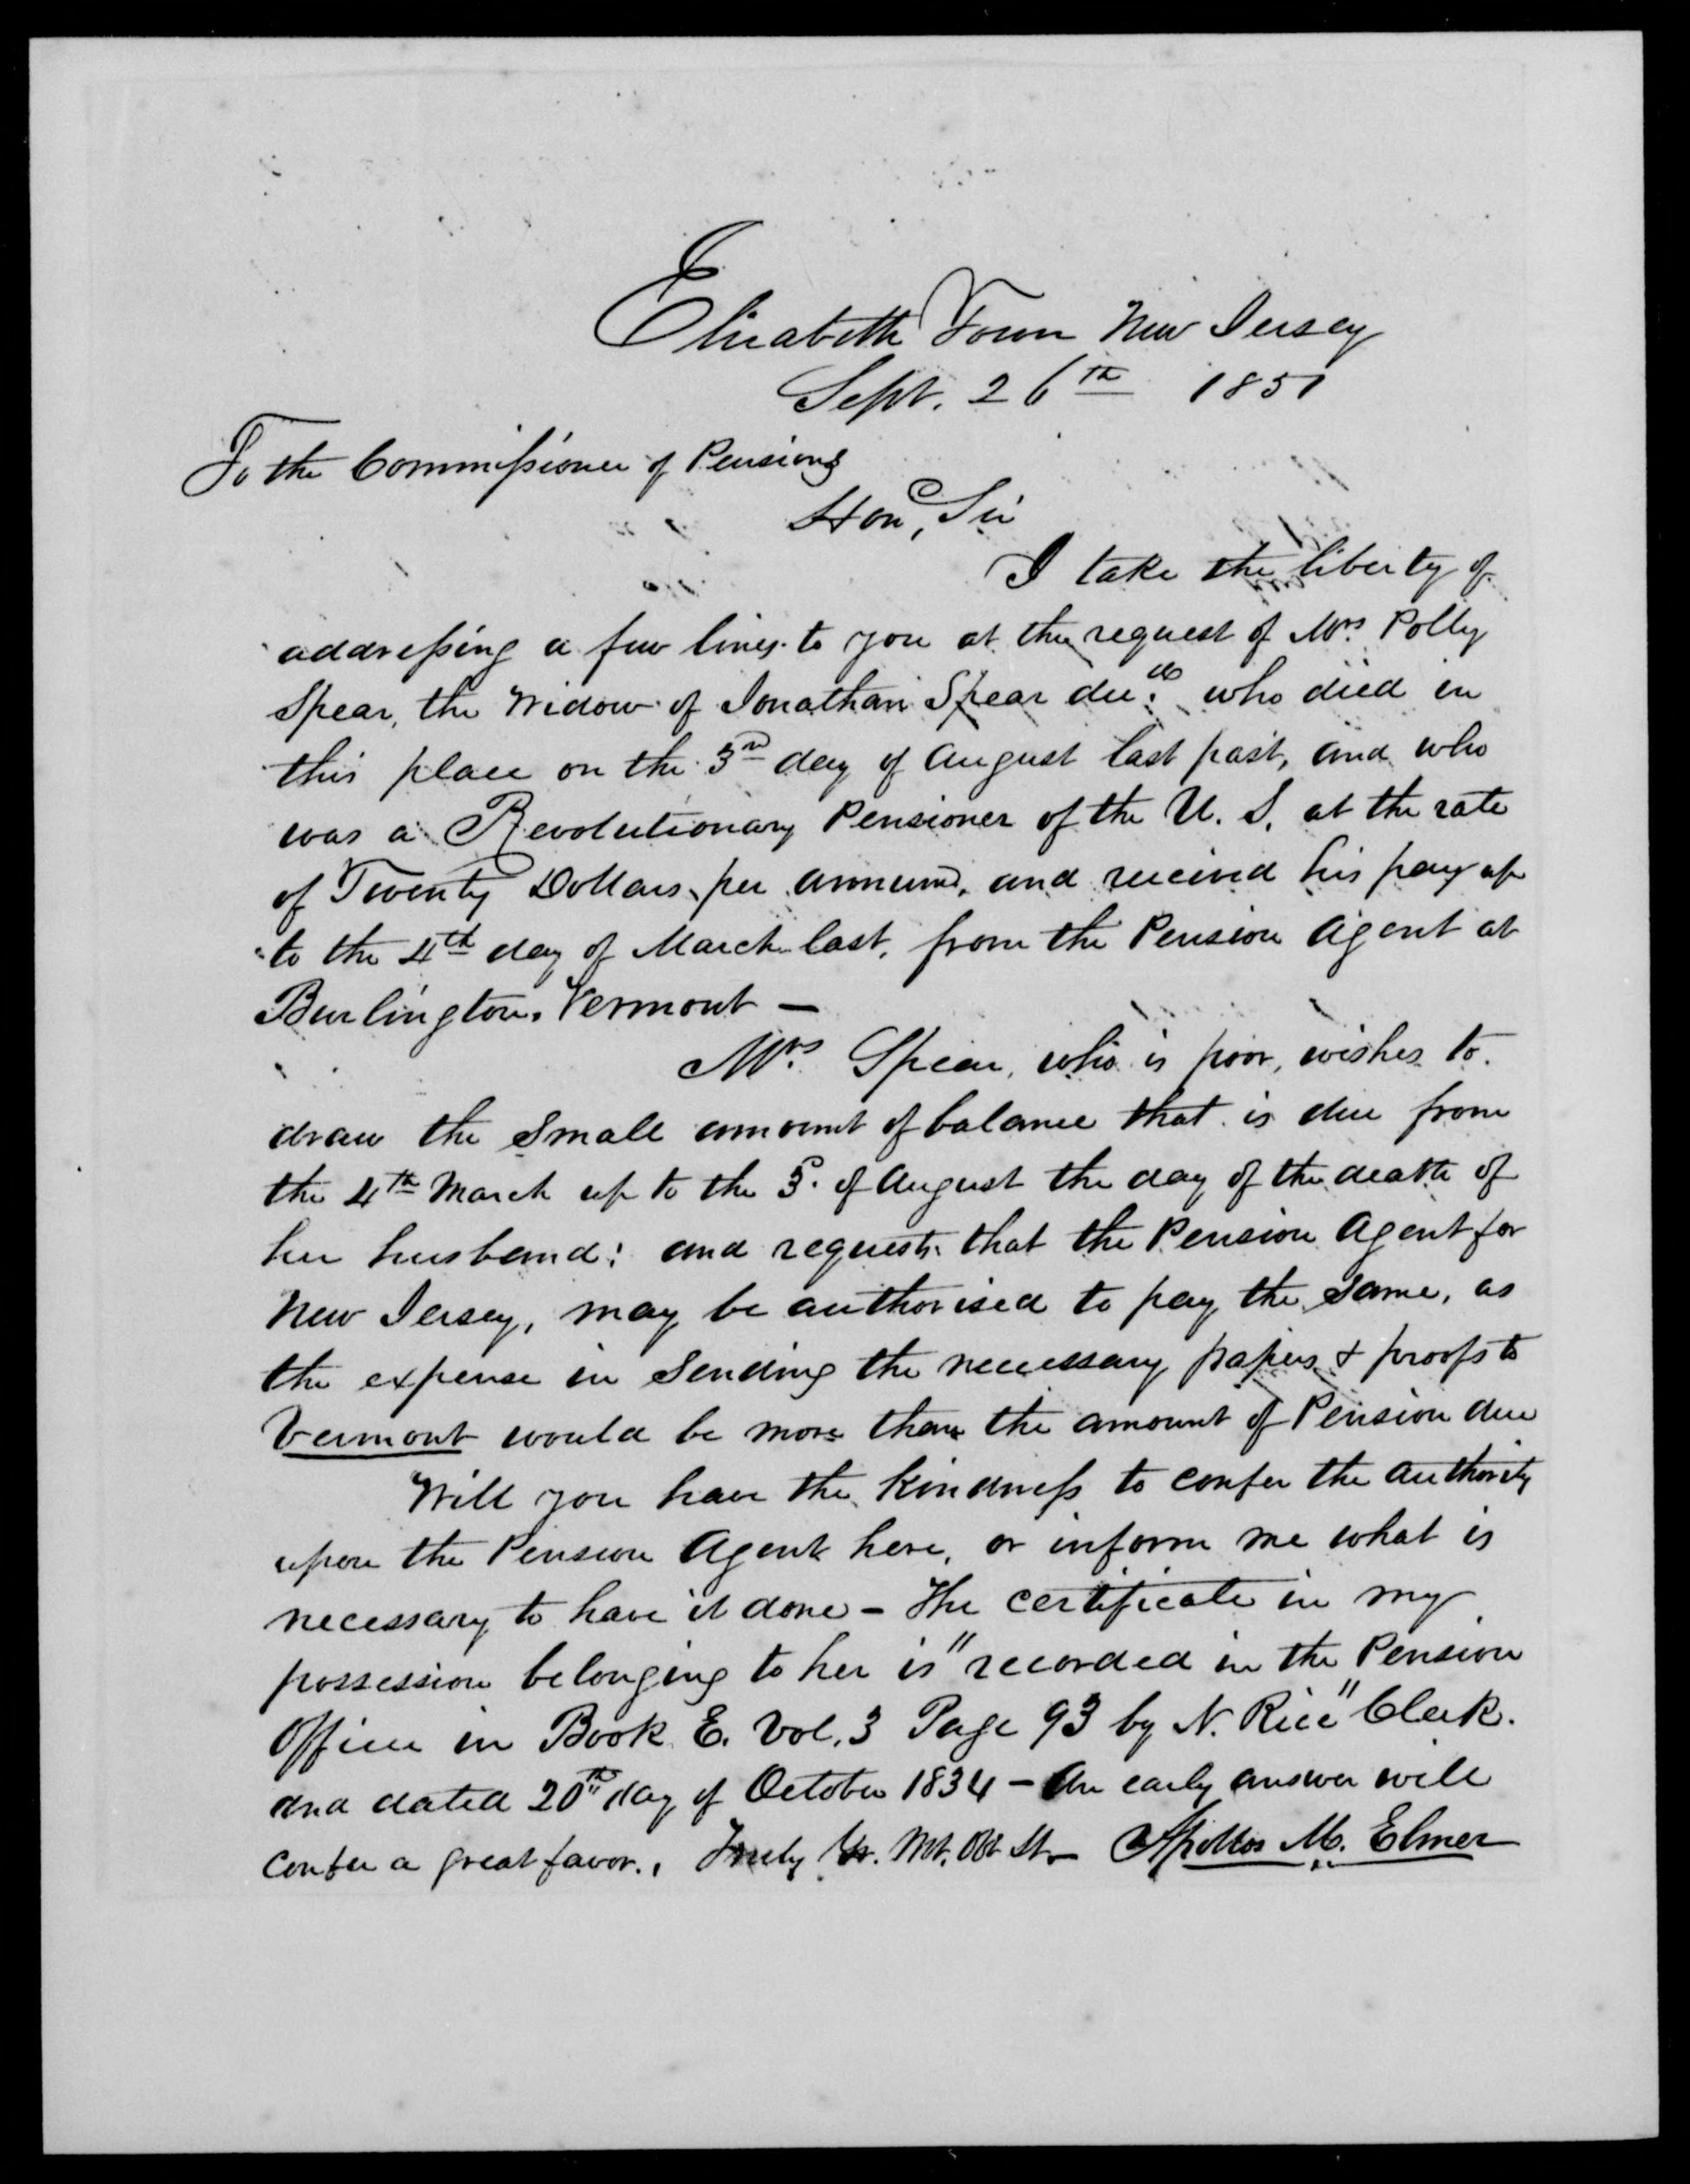Elizabeth Town New Jersey
Sept. 26th 1851
To the Commissioner of Pensions
Hon Sir
I take the liberty of
addressing a few lines to you at the request of Mrs Polly
Spear, the widow of Jonathan Spear decd who died in
this place on the 3d day of August last past, and who
was a Revolutionary Pensioner of the U.S. at the rate
of Twenty Dollars per annum, and received his pay of
to the 4th day of March last, from the Pension Agent at
Burlington, Vermont-
Mrs Spear, who is poor, wishes to
draw the small amount of balance that is due from
the 4th March up to the 3 of August the day of the death of
her husband, and request that the Pension agent for
New Jersey, may be authorized to pay the same, as
the expense in sending the necessary papers & proofs to
Vermont would be more than the amount of Pension due
Will you have the kindness to confer the authority
upon the Pension Agent here or inform me what is
necessary to have it done. The certificate in my
possession belonging to her is recorded in the Pension
Office in Book E. Vol. 3 Page 93 by N. Rice Clerk
and dated 20th day of October 1834 an early answer will
confer a great favor. Truly your most obt svt Apollos M. Elmer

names: [BLANK] Spear; Jonathan Spear; Apollos M Elmer; Polly Spear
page: 45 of 65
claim: widow's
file: W. 7197, for Jonathan Spear, Vermont